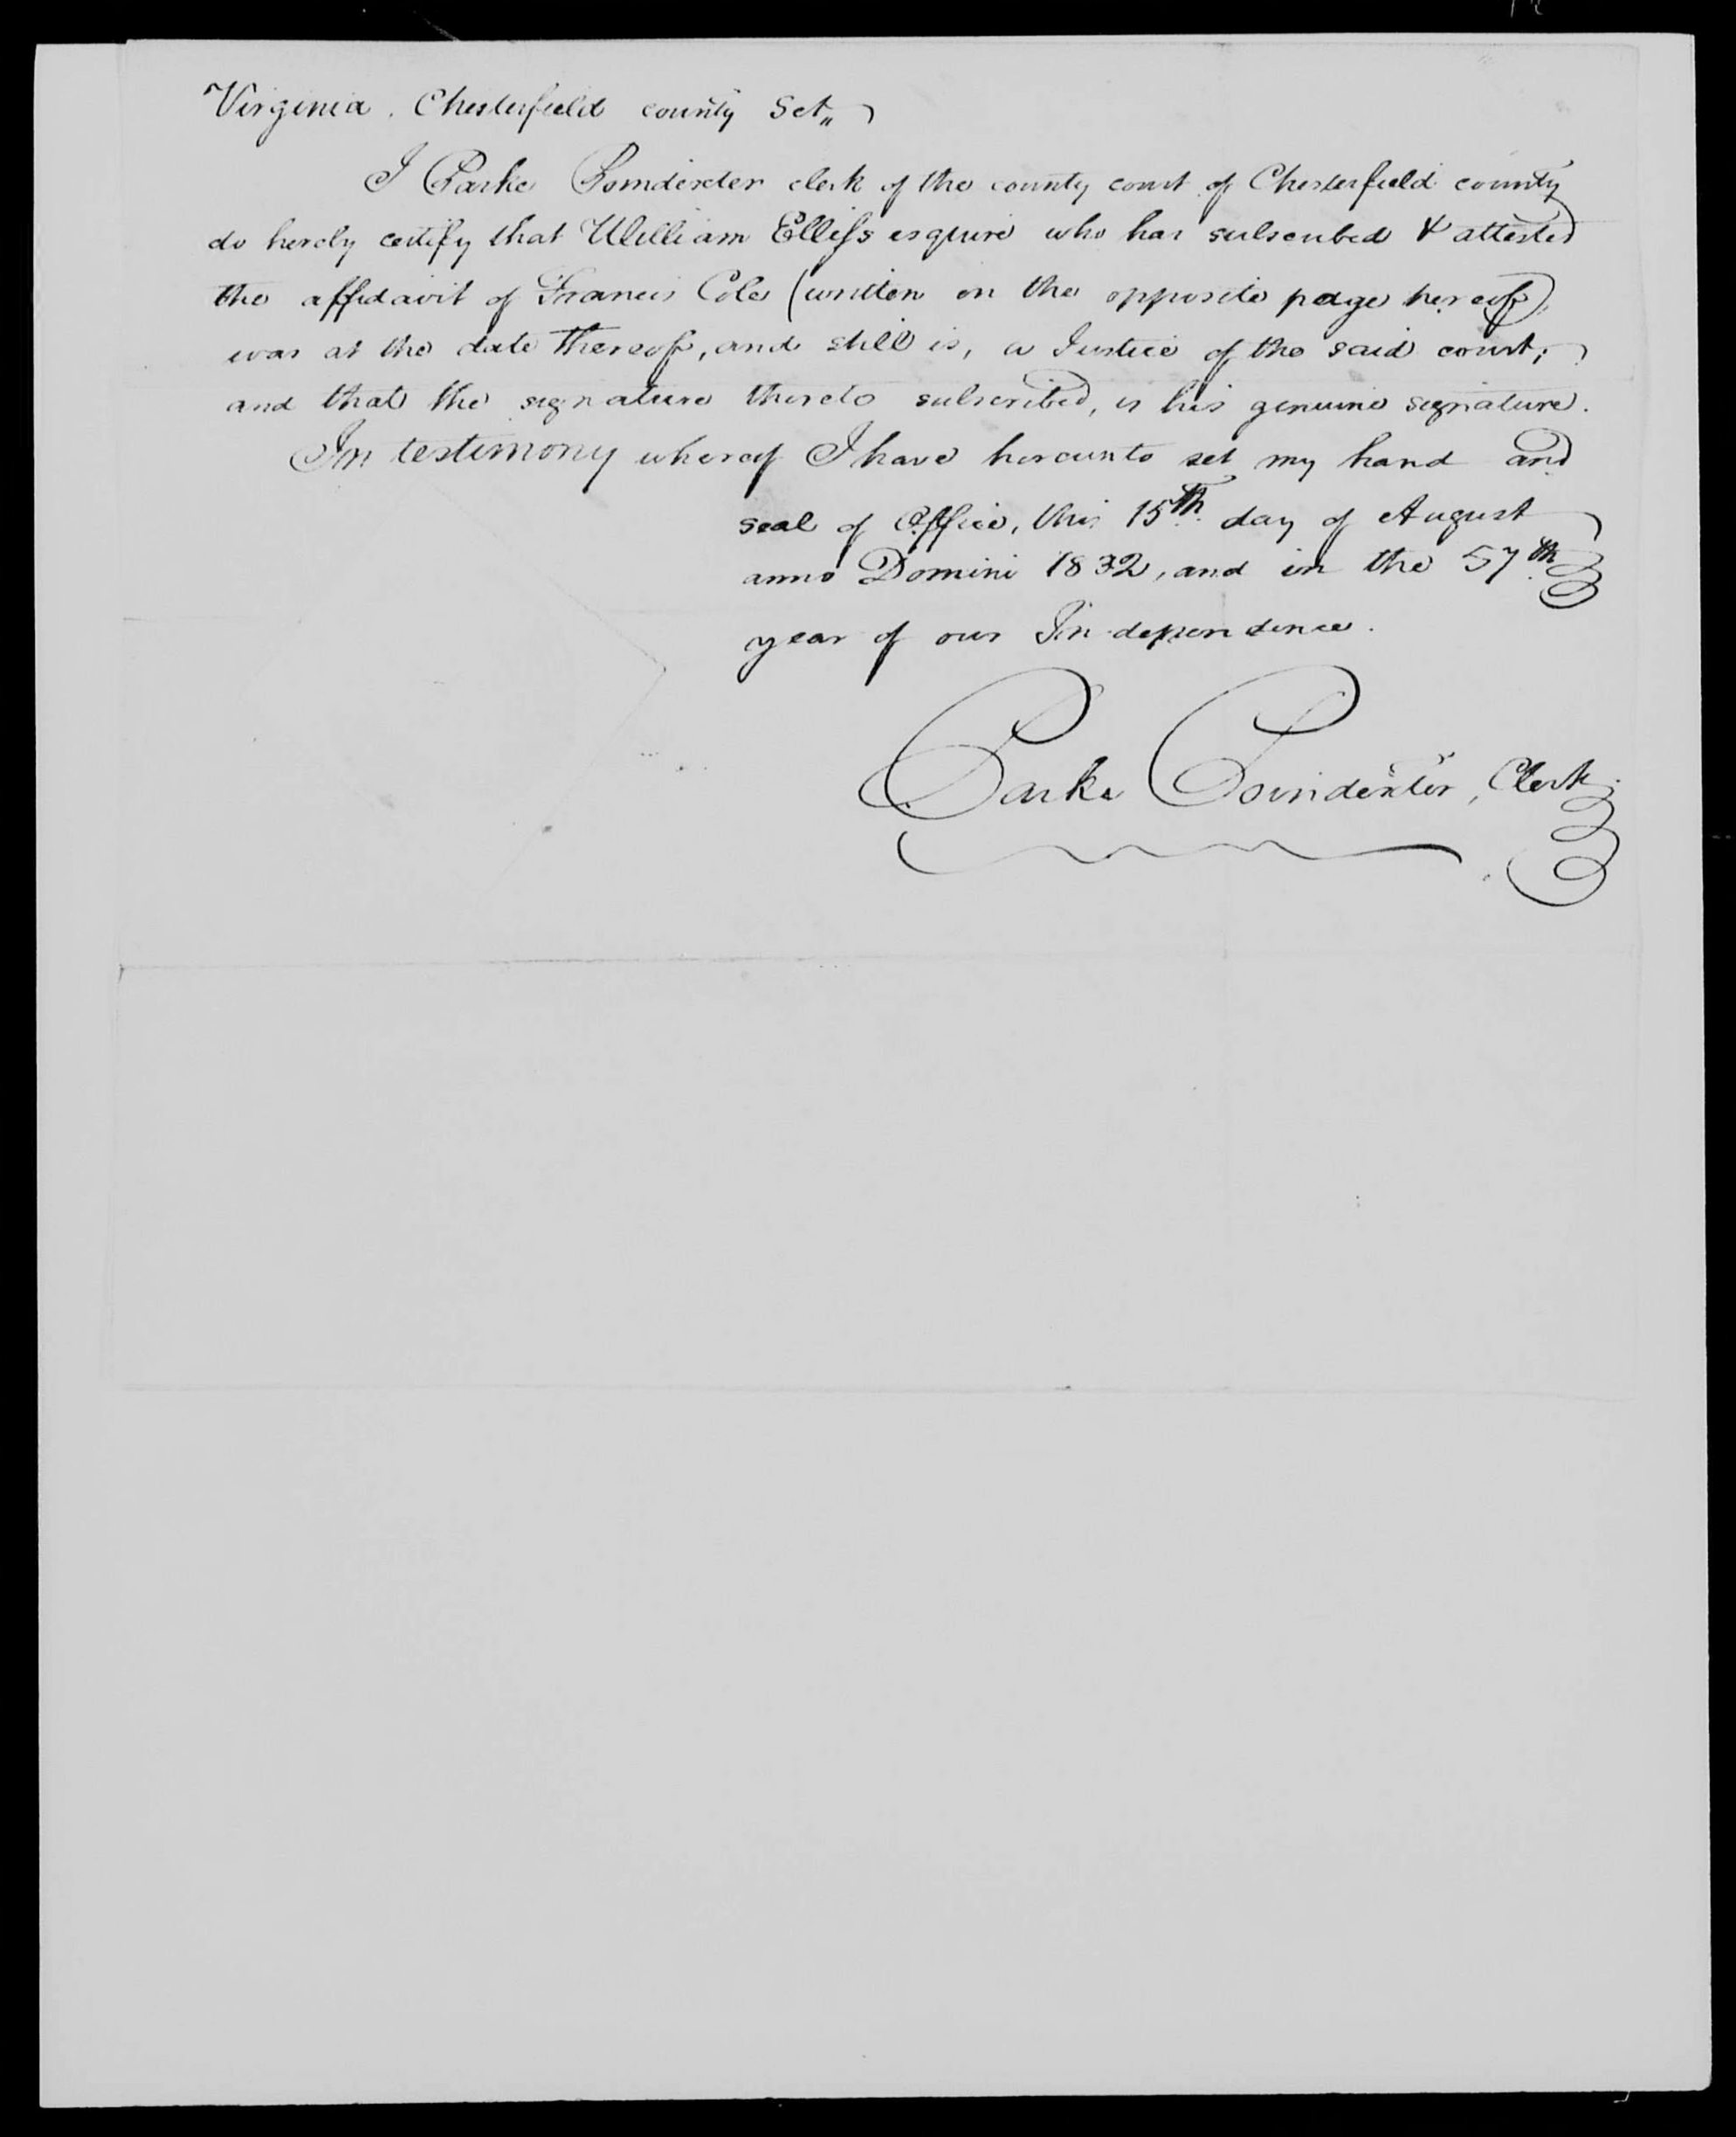Virginia, Chesterfield county sct
I Parke Poindexter clerk of the county court of Chesterfield county do hereby certify that William Elliss esquire who has subscribed & attested the affidavit of Francis Cole (written on the opposite page hereof) was at the date thereof, and still is, a Justice of the said court; and that the signature thereto subscribed, is his genuine signature.
In testimony whereof I have hereunto set my hand and seal of Office, this 15th day of August anno Domini 1832, and in the 57th year of our Independence.
Parke Poindexter, Clerk.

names: Francis Cole, Parke Poindexter, Parke Poindexter, William Elliss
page: 22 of 43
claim: widow's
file: W. 5,626, Nathan Anderson, Va.